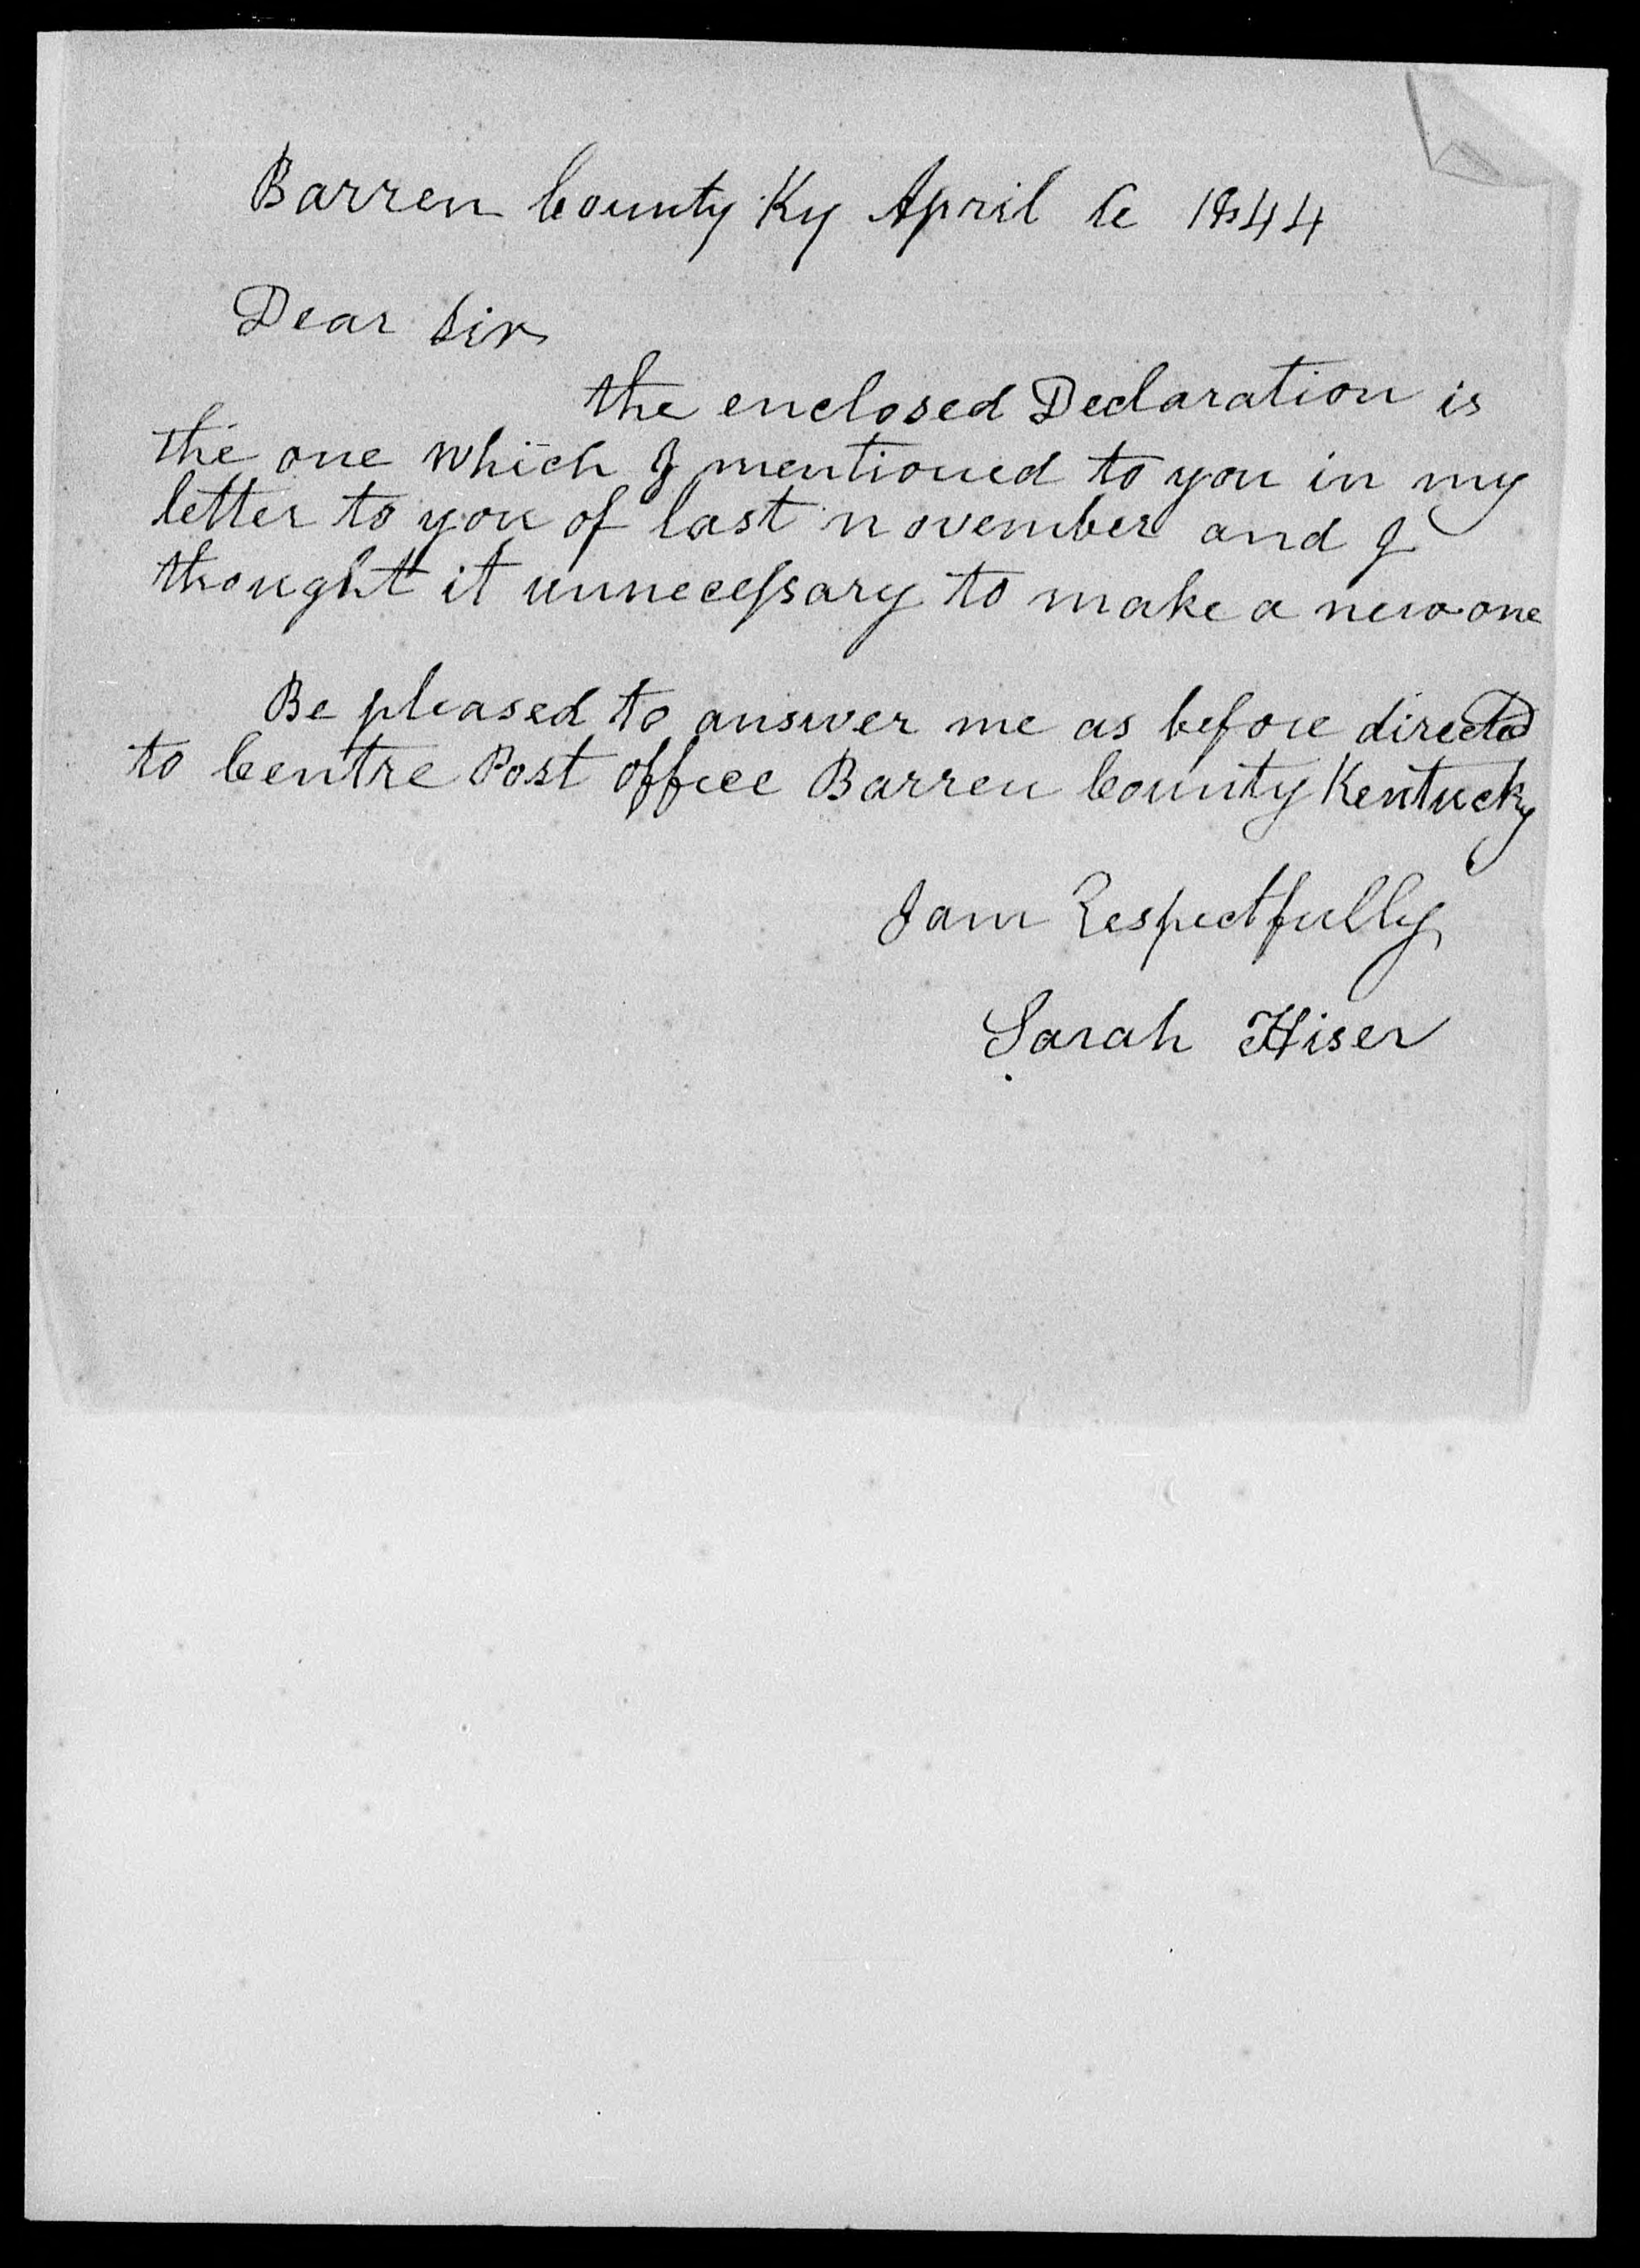Barren County Ky April he1844
Dear Sir
the enclosed Declaration is
the one which I mentioned to you in my
letter to you of last November and I
thought it unnecessary to make a new one

Be pleased to answer me as before directed
Centre Post office Barren County Kentucky

I am Respectfully
Sarah Hiser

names: Sarah Hiser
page: 27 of 58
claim: widow's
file: W. 8932, John Hiser, Penn.